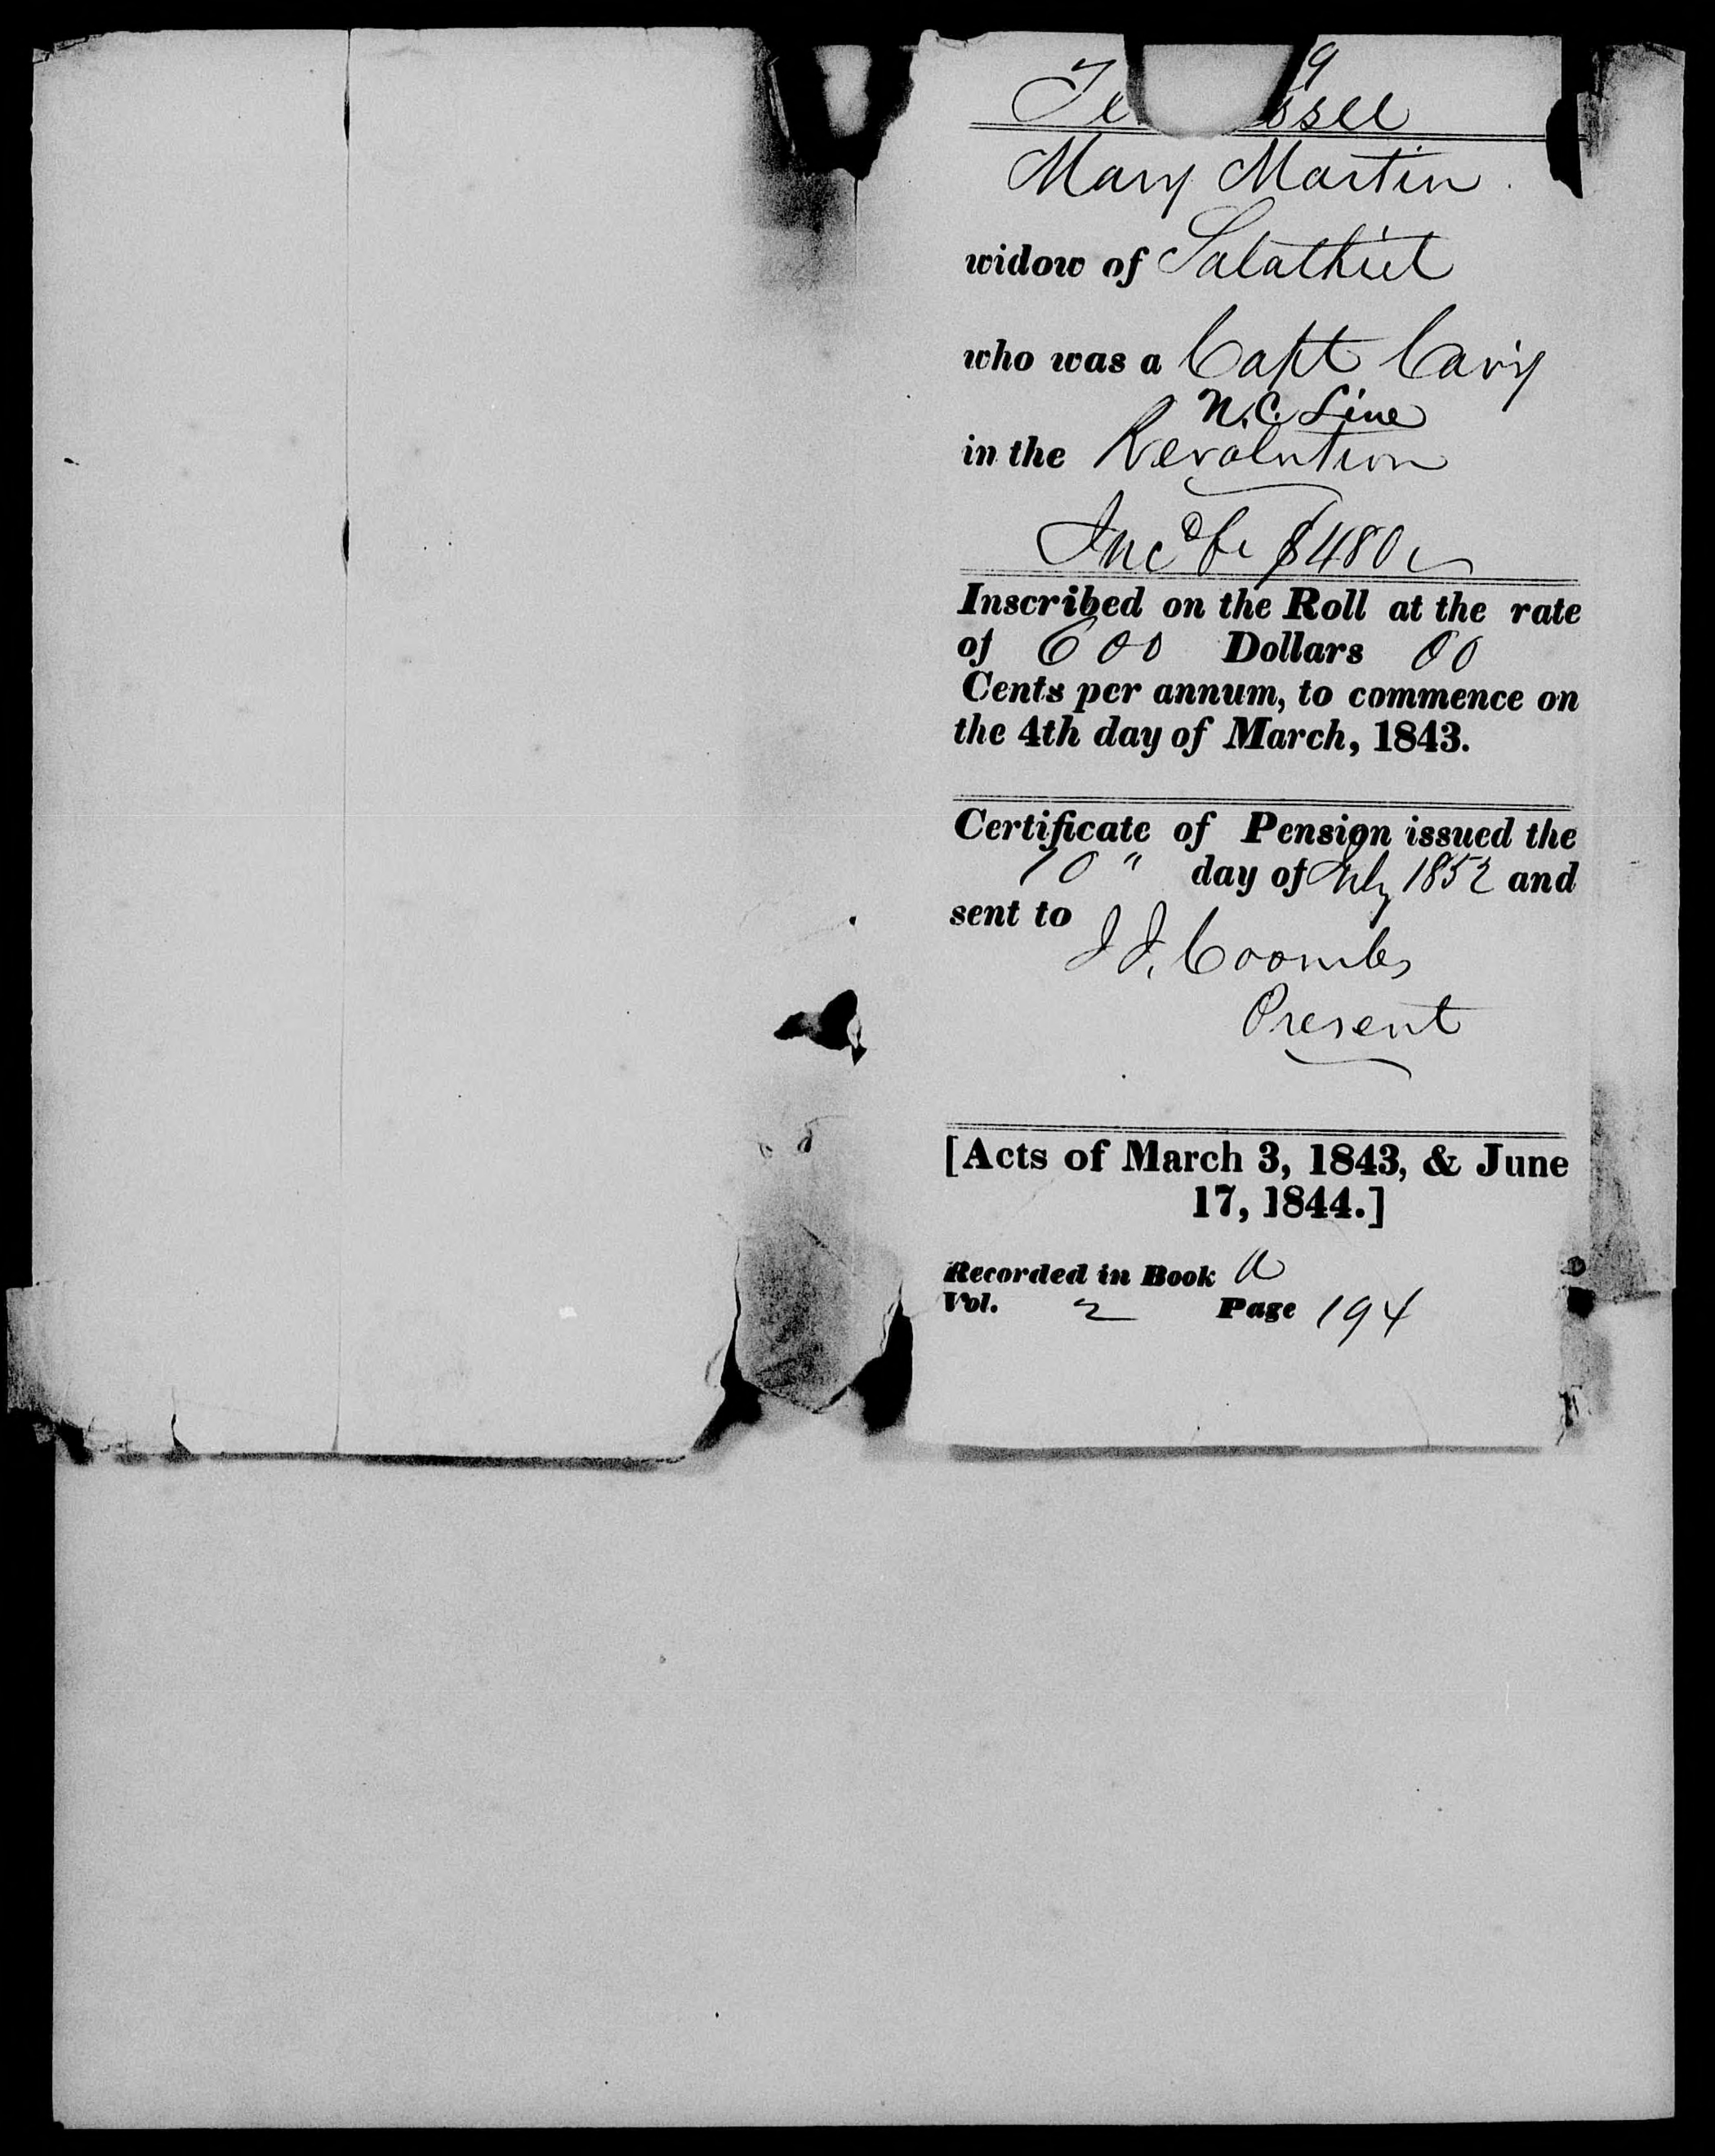[page damage]
[printed form, handwritten responses]
[page damage] 9
Tennessee
Mary Martin
widow of Salathiel
who was a Capt Cavy
N.C. Line
in the Revolution
Inc ofe $480
Inscribed on the Roll at the rate
of 600 Dollars 00
Cents per annum, to commence on
the 4th day of March, 1843.
Certificate of Pension issued the
20th day of July 1852 and
sent to J.J. Coombs
Present
[Acts of March 3, 1843, & June
17, 1844.]
Recorded in Book A
Vol. 2 Page 194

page: 107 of 120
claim: widow's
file: W. 1044, for Salathiel Martin, North Carolina